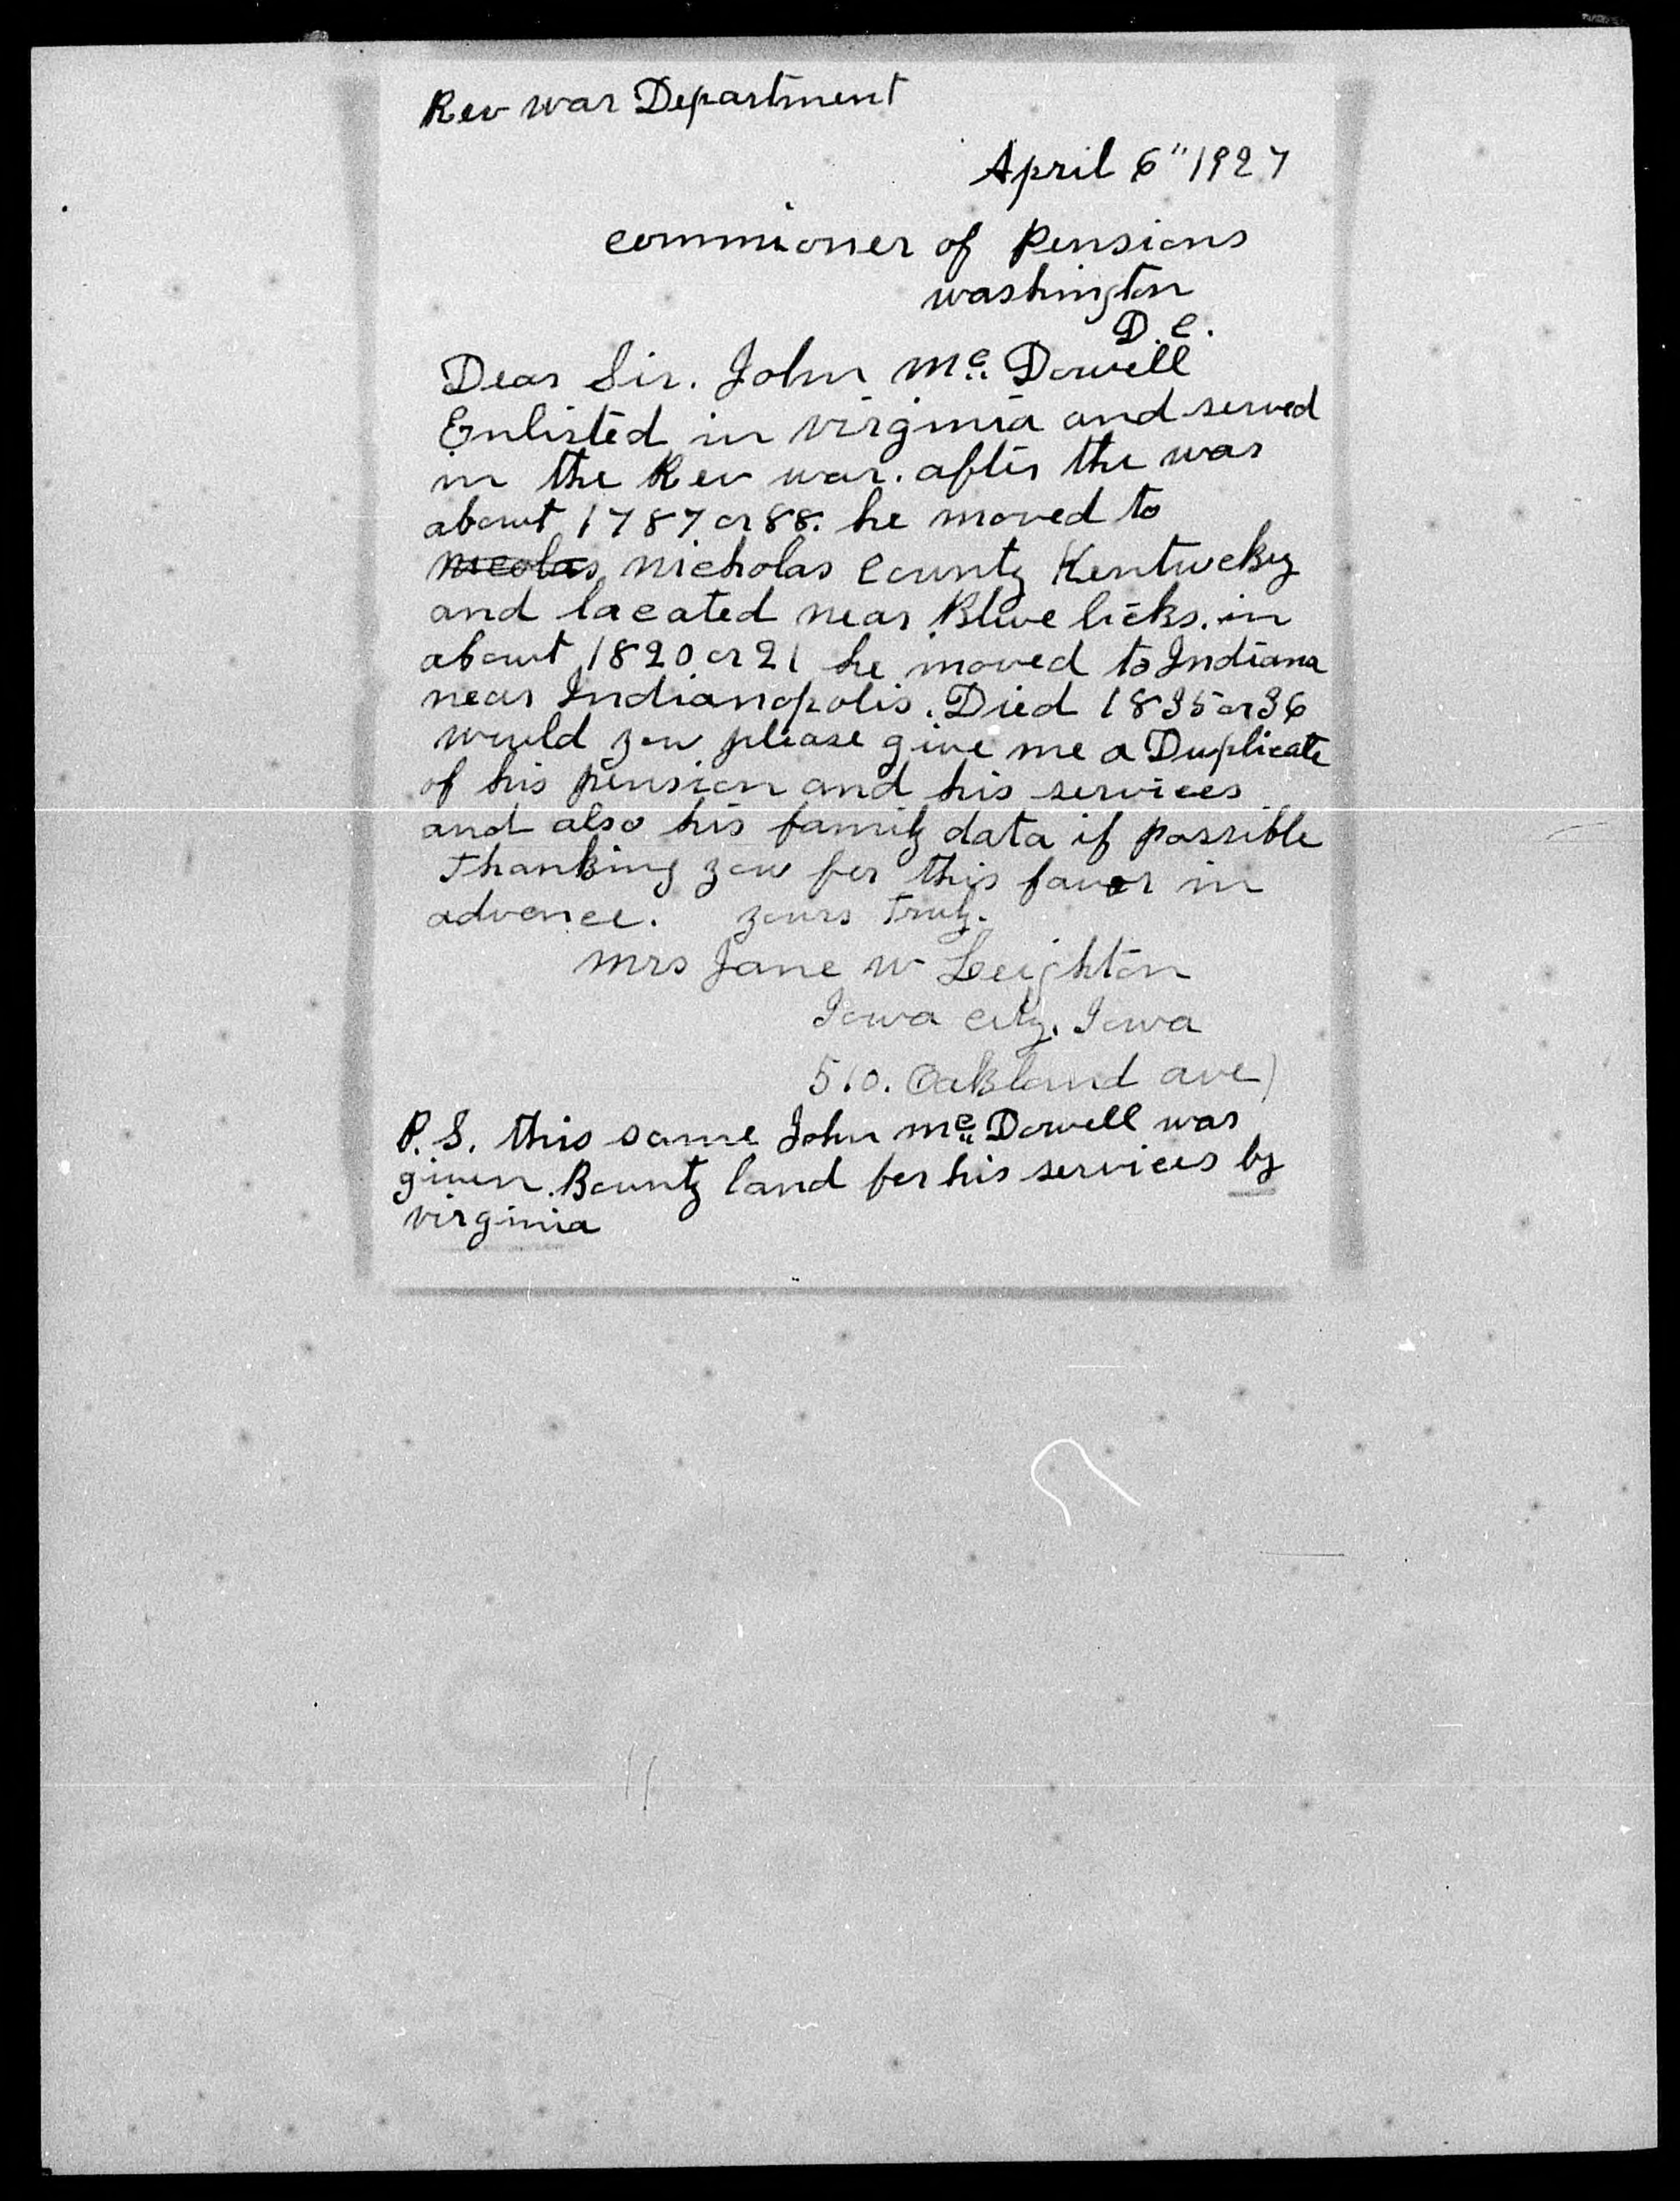Rev War Department
April 6 1927

Commioner of Pensions
Washington D.C.

Dear sir;
John McDowell enlisted in Virginia and served
in the Rev war.  After the war 
about 1787 or 88 he moved to
nicholas county Kentucky
and located near Blue licks in
about 1820 or 21 he moved to Indiana
near Indianapolis.  Died 1835 or 36
would you please give me a duplicate
of his pension and his services
and also his family data if possible
thanking you for this favor in
advance. 
yours truly,
Mrs Jane W Leighton
Iowa City, Iowa
510 Oakland ave
P.S.  this same John McDowell was
given bounty land for his services by
Virginia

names: Jane W Leighton; John Mc Dowell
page: 35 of 47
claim: survivor's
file: S. 30578, for John Mc Dowell, Virginia